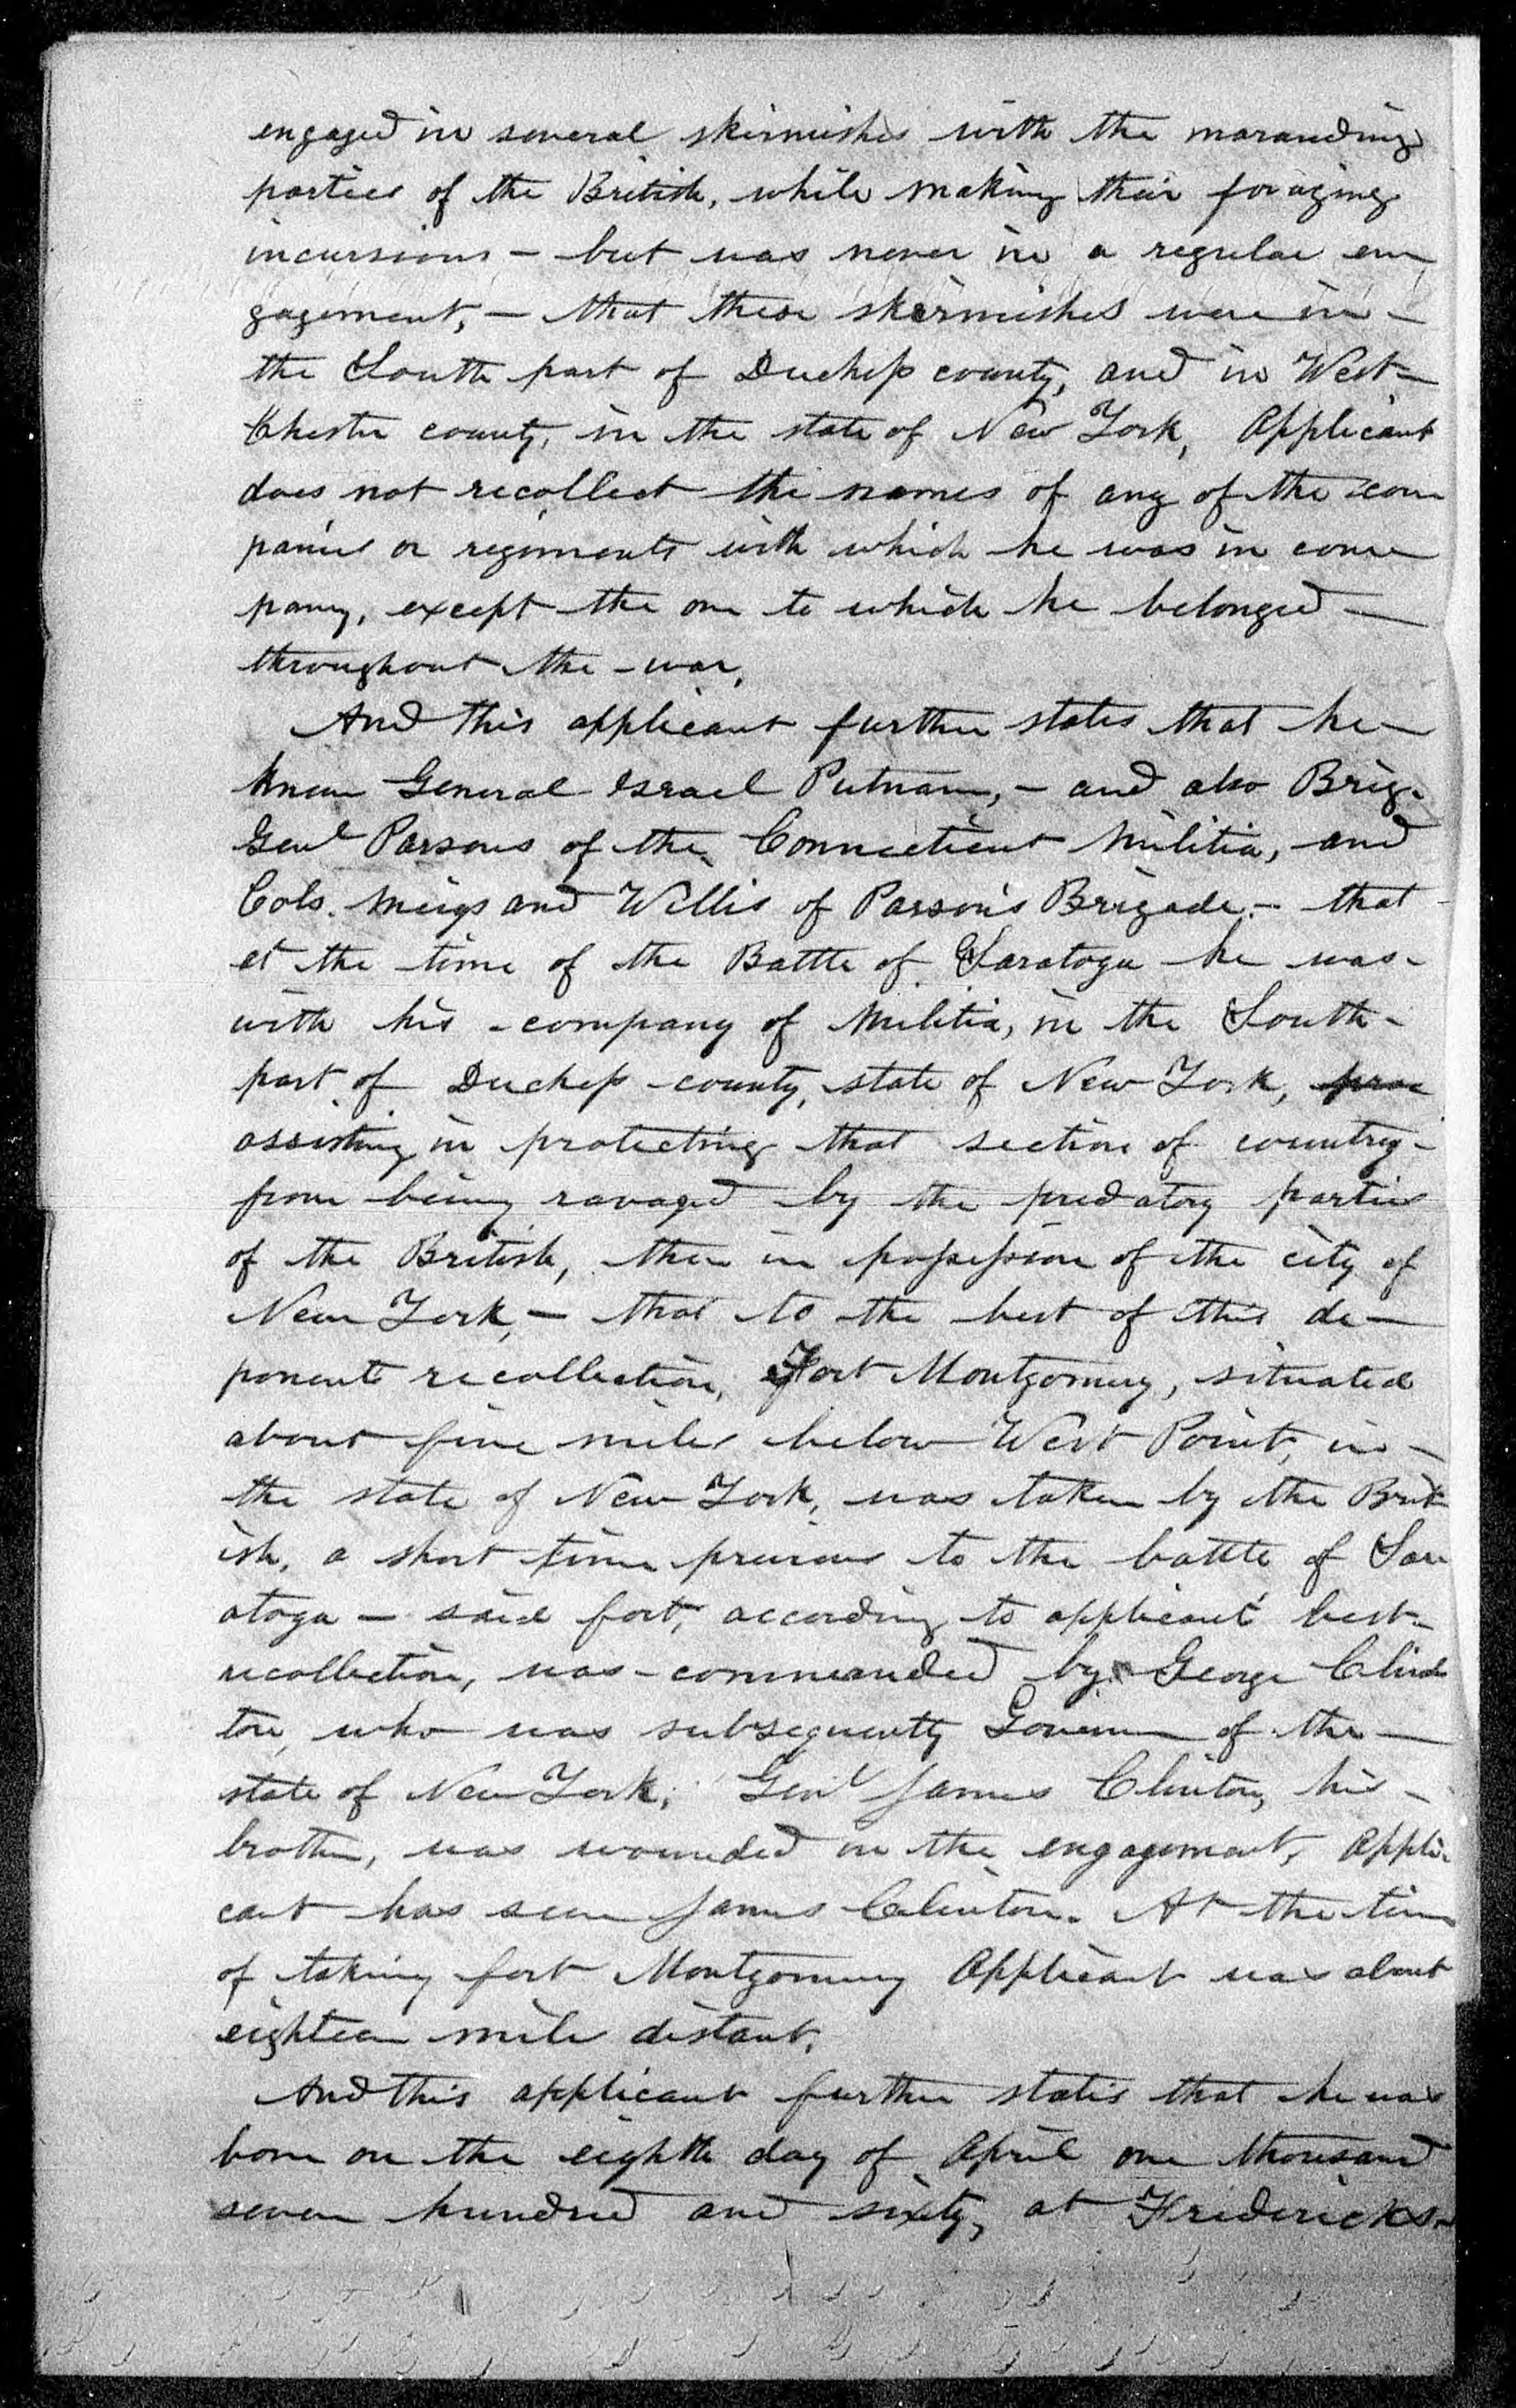engaged in several skirmishes with the marauding parties of the British, while making their foraging incursions - but was never in a regular engagement, - that the skirmishes were in the south part of Dutchess county, and Westchester county, in the state of New York, applicant does not recollect the names of any of the companies or regiments with which he was in company, except the one to which he belonged throughtout the war.
And this applicant further states that he knew General Israel Putnam, - and also Brig Genl Parsons of the Connecticut militia, and Cols. Meigs and Willis of Parson's Brigade - that at the time of the Battle of Saratoga he was with his company of Militia, in the south part of Dutchess county state of New York, for assisting in protecting that section of county from being ravaged by the predatory parties of the British, then in possession of the city of New York-that to the best of this deponents recollection, Fort Montgomery, situated about five miles below West Point in the state of New York was taken by the British a short time previous to the battle of Saratoga - said fort, according to applicants best recollection, was commanded by George Clinton who was subsequently Governor the of the State of New York. Gen James Clinton his brother, was wounded in the engagement, applicant has seen James clinton.  At the time of taking fort Montgomery applicant was about eighteen mile distant.
And this applicant further states that he was from on the eighth day of April one thousand seven hundred and sixty, at Fredericks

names: George Clinton, Israel Putnam, Wellis, Meigs, James Clinton, James Clinton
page: 4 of 66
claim: rejected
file: R. 4298, Samuel Gregory, New York